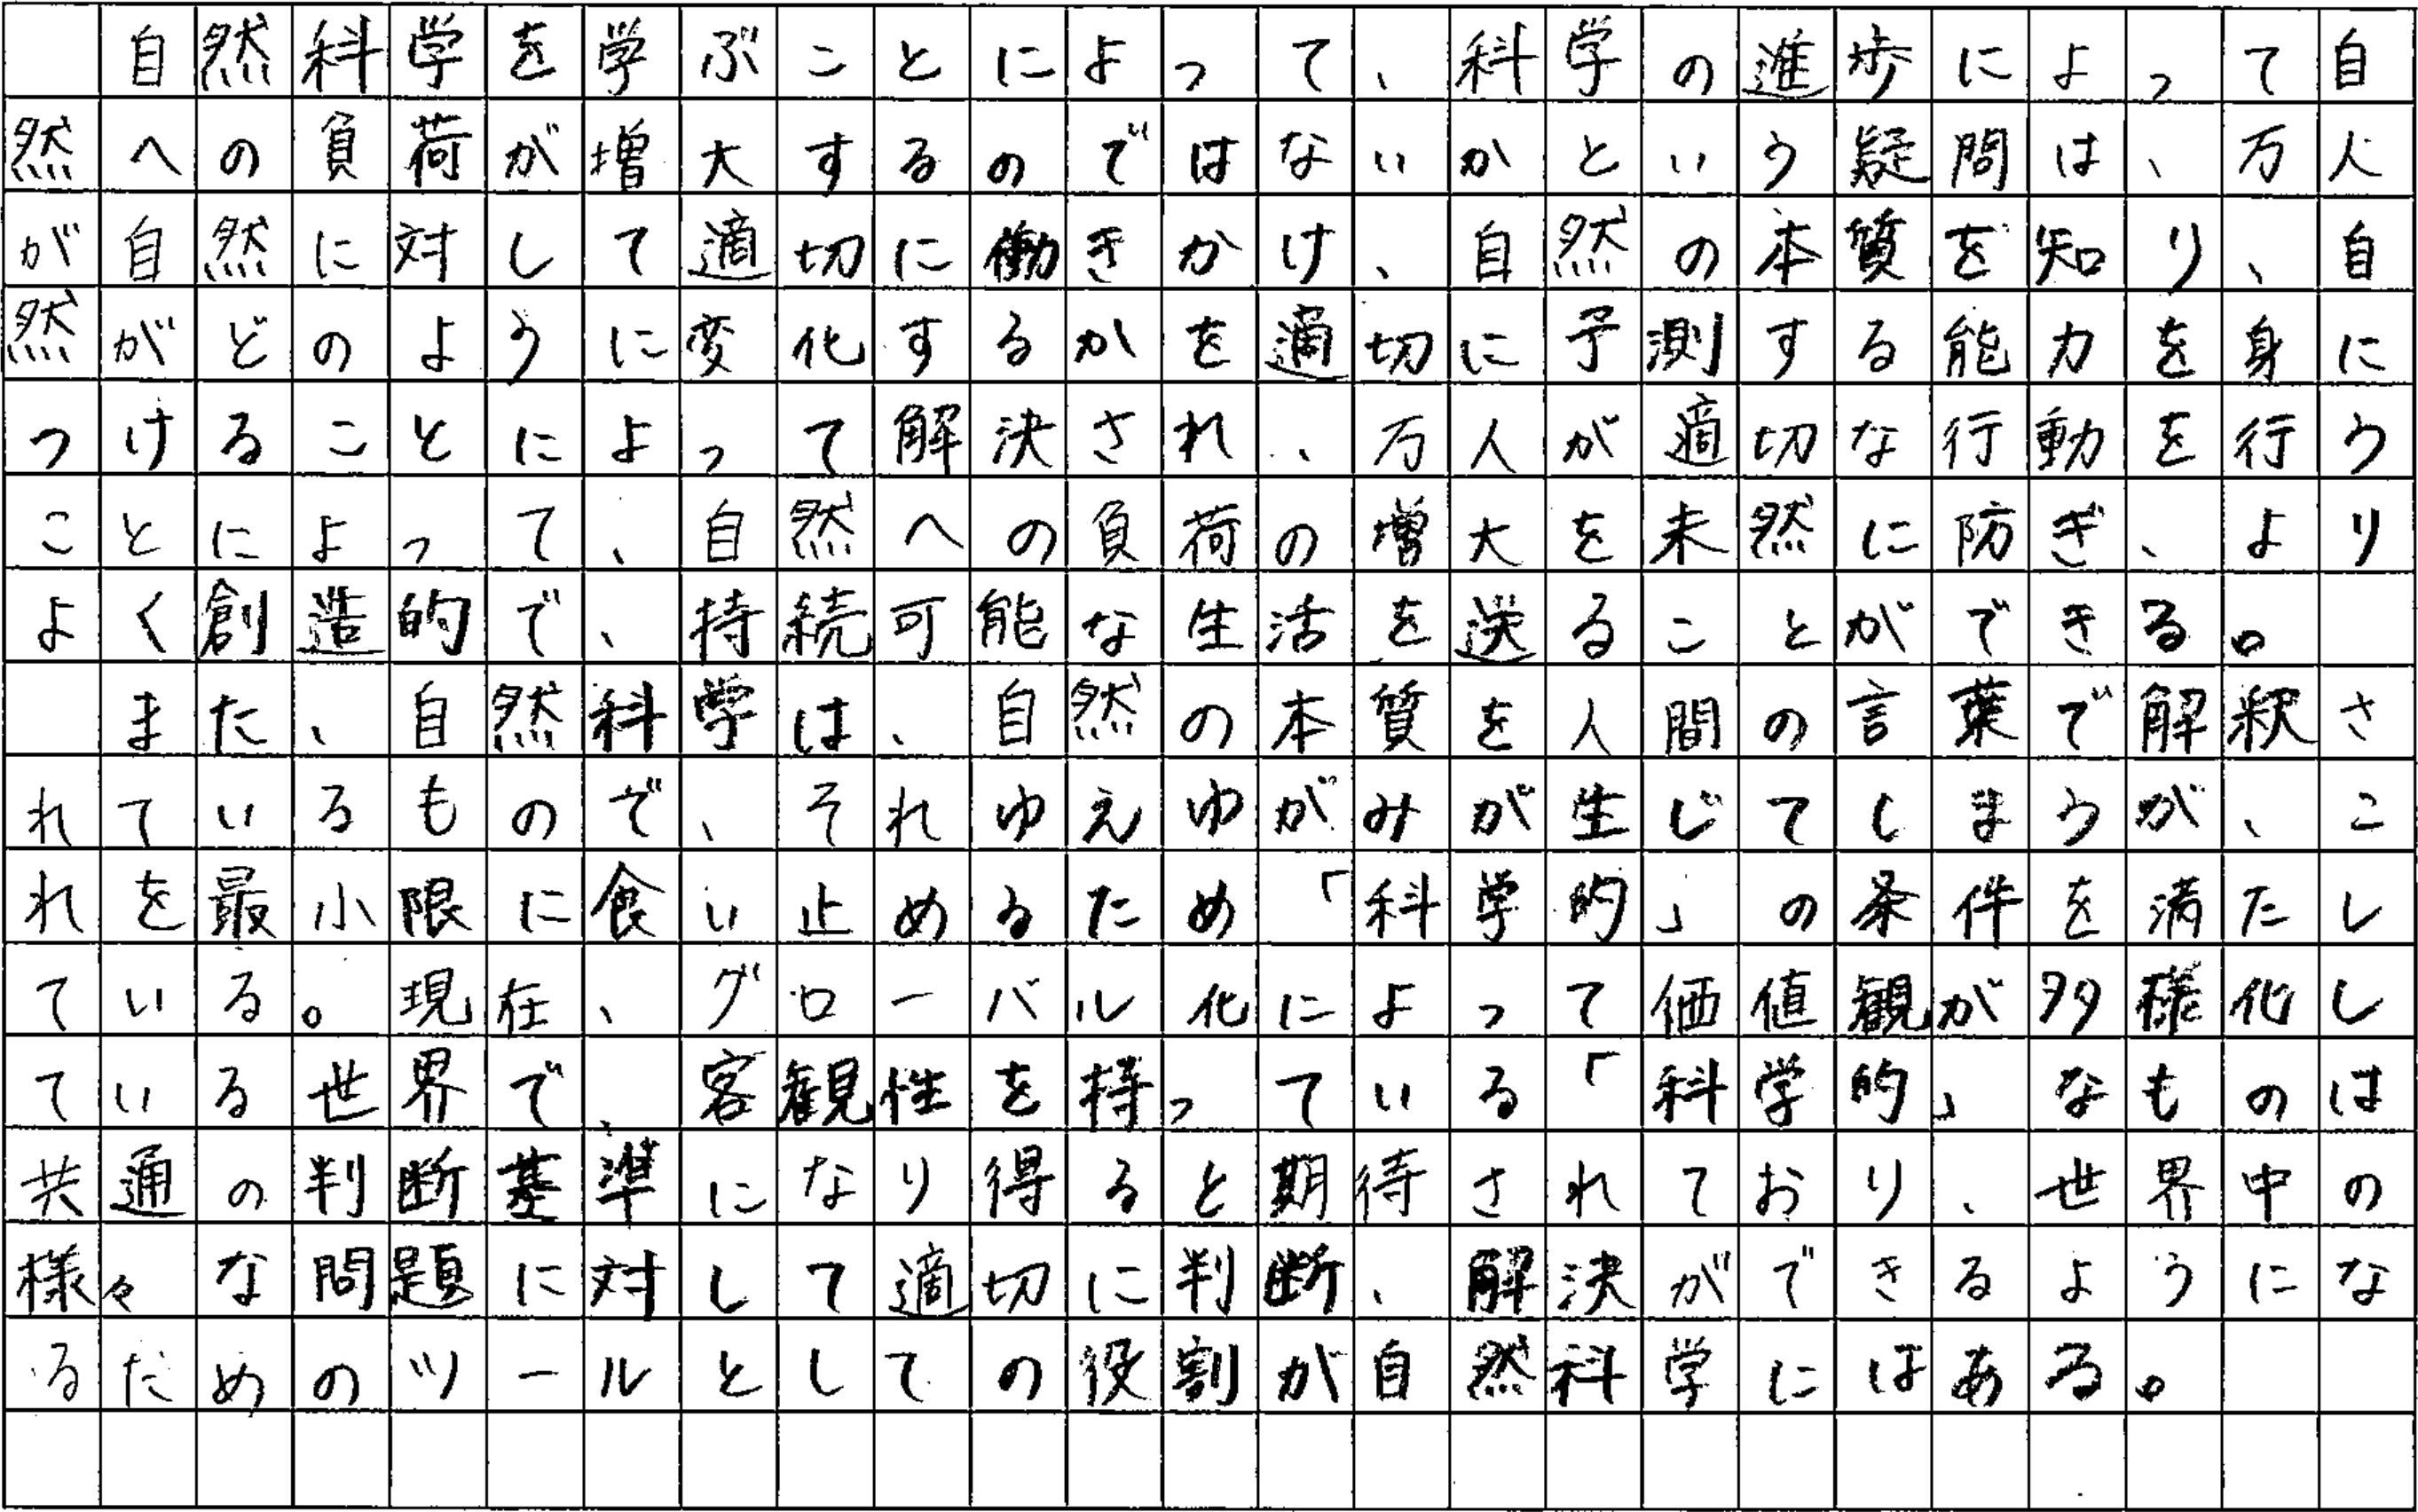　自然科学を学ぶことによって、科学の進歩によって自然への負荷が増大するのではないかという疑問は、万人が自然に対して適切に働きかけ、自然の本質を知り、自然がどのように変化するかを適切に予測する能力を身につけることによって解決され、万人が適切な行動を行うことによって、自然への負荷の増大を未然に防ぎ、よりよく創造的で、持続可能な生活を送ることができる。
　また、自然科学は、自然の本質を人間の言葉で解釈されているもので、それゆえゆがみが生じてしまうが、これを最小限に食い止めるため「科学的」の条件を満たしている。現在、グローバル化によって価値観が多様化している世界で、客観性を持っている「科学的」なものは共通の判断基準になり得ると期待されており、世界中の様々な問題に対して適切に判断、解決ができるようになるためのツールとしての役割が自然科学にはある。
